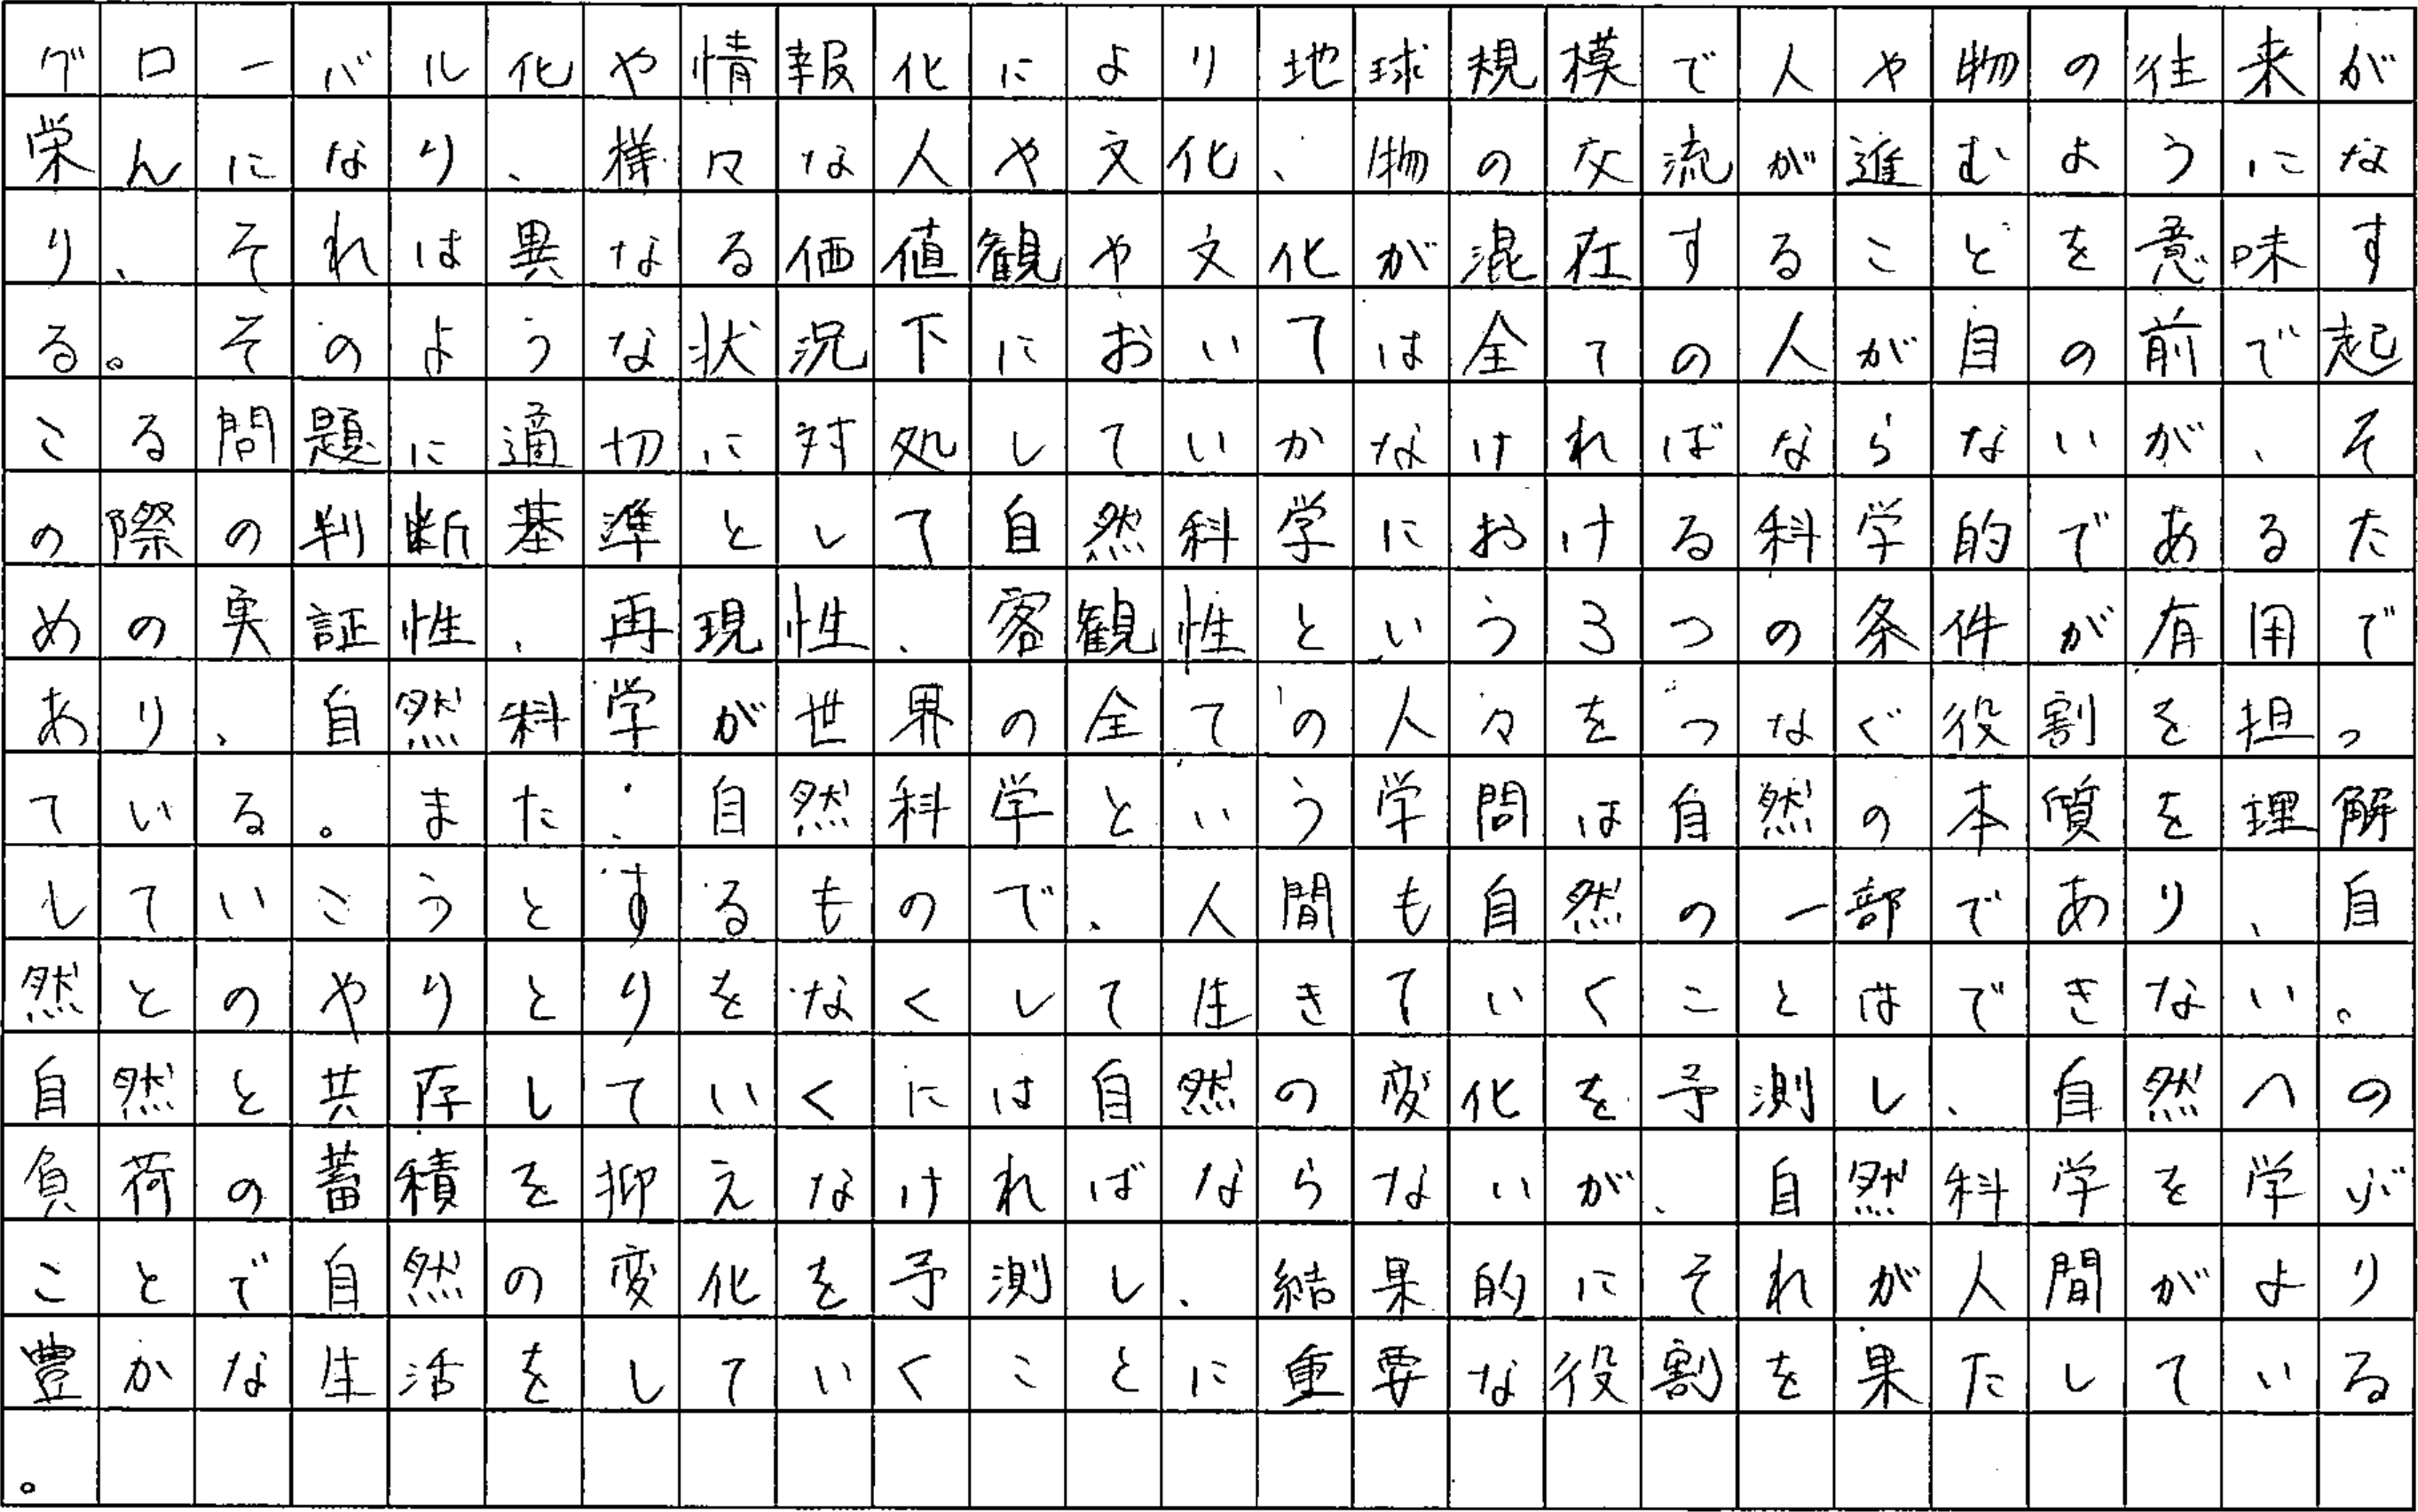グローバル化や情報化により地球規模で人や物の往来が栄んになり、様々な人や文化、物の交流が進むようになり、それは異なる価値観や文化が混在することを意味する。そのような状況下においては全ての人が目の前で起こる問題に適切に対処していかなければならないが、その際の判断基準として自然科学における科学的であるための実証性、再現性、客観性という３つの条件が有用であり、自然科学が世界の全ての人々をつなぐ役割を担っている。また、自然科学という学問は自然の本質を理解していこうとするもので、人間も自然の一部であり、自然とのやりとりをなくして生きていくことはできない。自然と共存していくには自然の変化を予測し、自然への負荷の蓄積を抑えなければならないが、自然科学を学ぶことで自然の変化を予測し、結果的にそれが人間がより豊かな生活をしていくことに重要な役割を果たしている。
